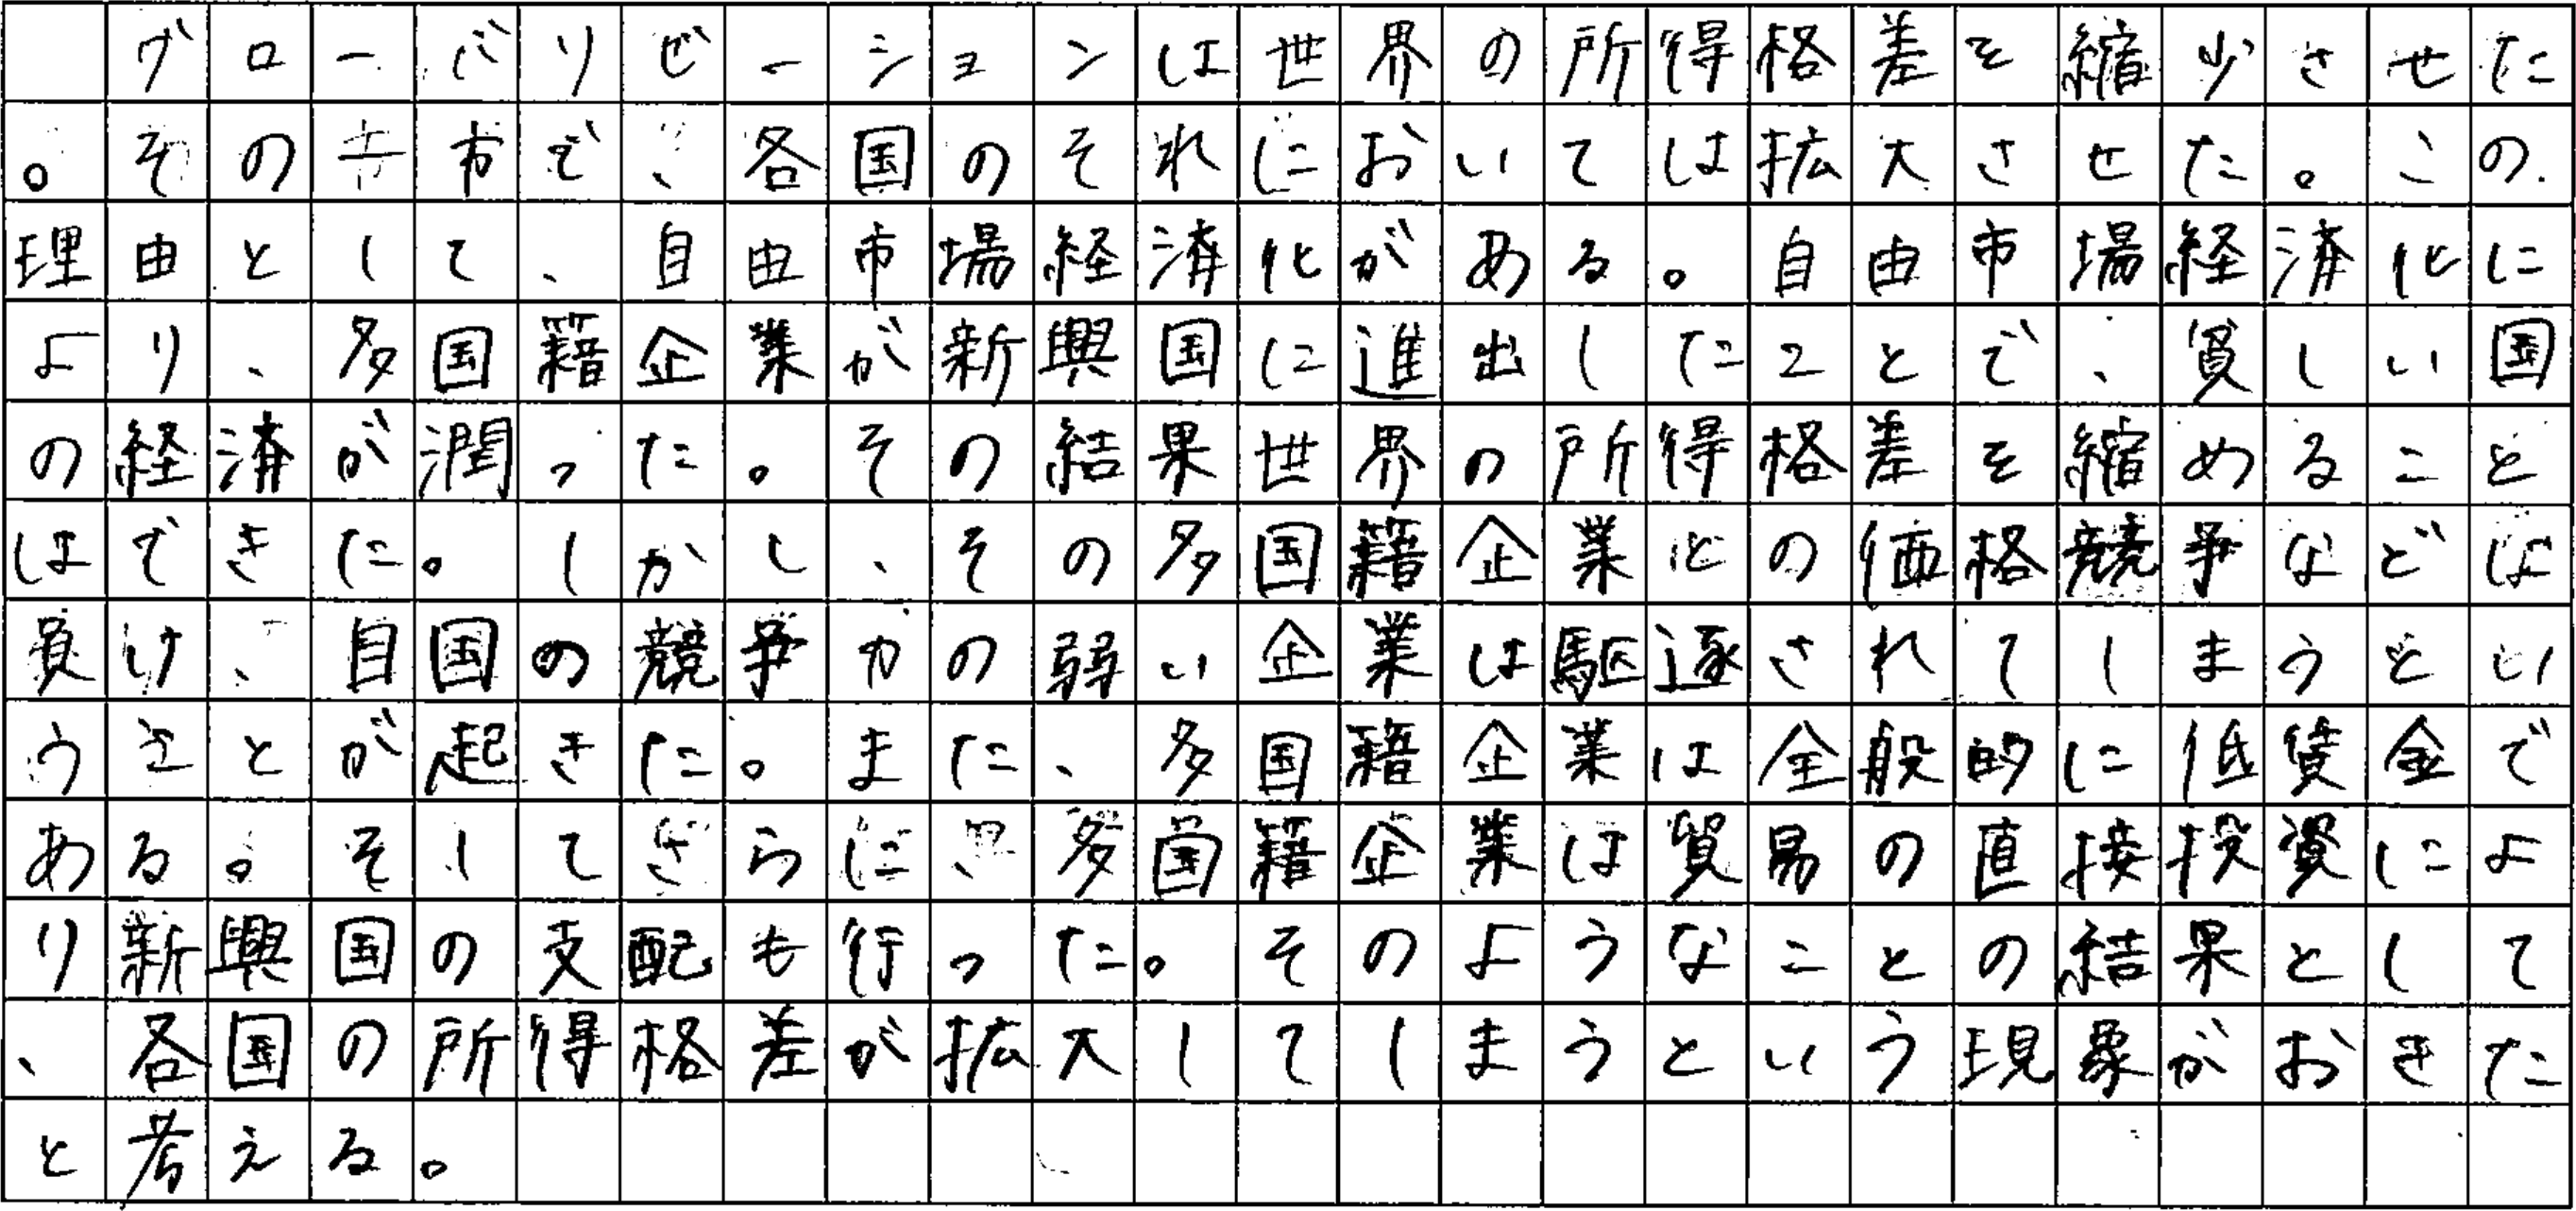　グローバリゼーションは世界の所得格差を縮少させた。その一方で、各国のそれにおいては拡大させた。この理由として、自由市場経済化がある。自由市場経済化により、多国籍企業が新興国に進出したことで、貧しい国の経済が潤った。その結果世界の所得格差を縮めることはできた。したし、その多国籍企業との価額競争などに負け、自国の競争力の弱い企業は駆逐されてしまうということが起きた。また、多国籍企業は全般的に低賃金である。そしてさらに、多国籍企業は貿易の直接投資により新興国の支配も行った。そのようなことの結果として、各国の所得格差が拡大してしまうという現象がおきたと考える。
